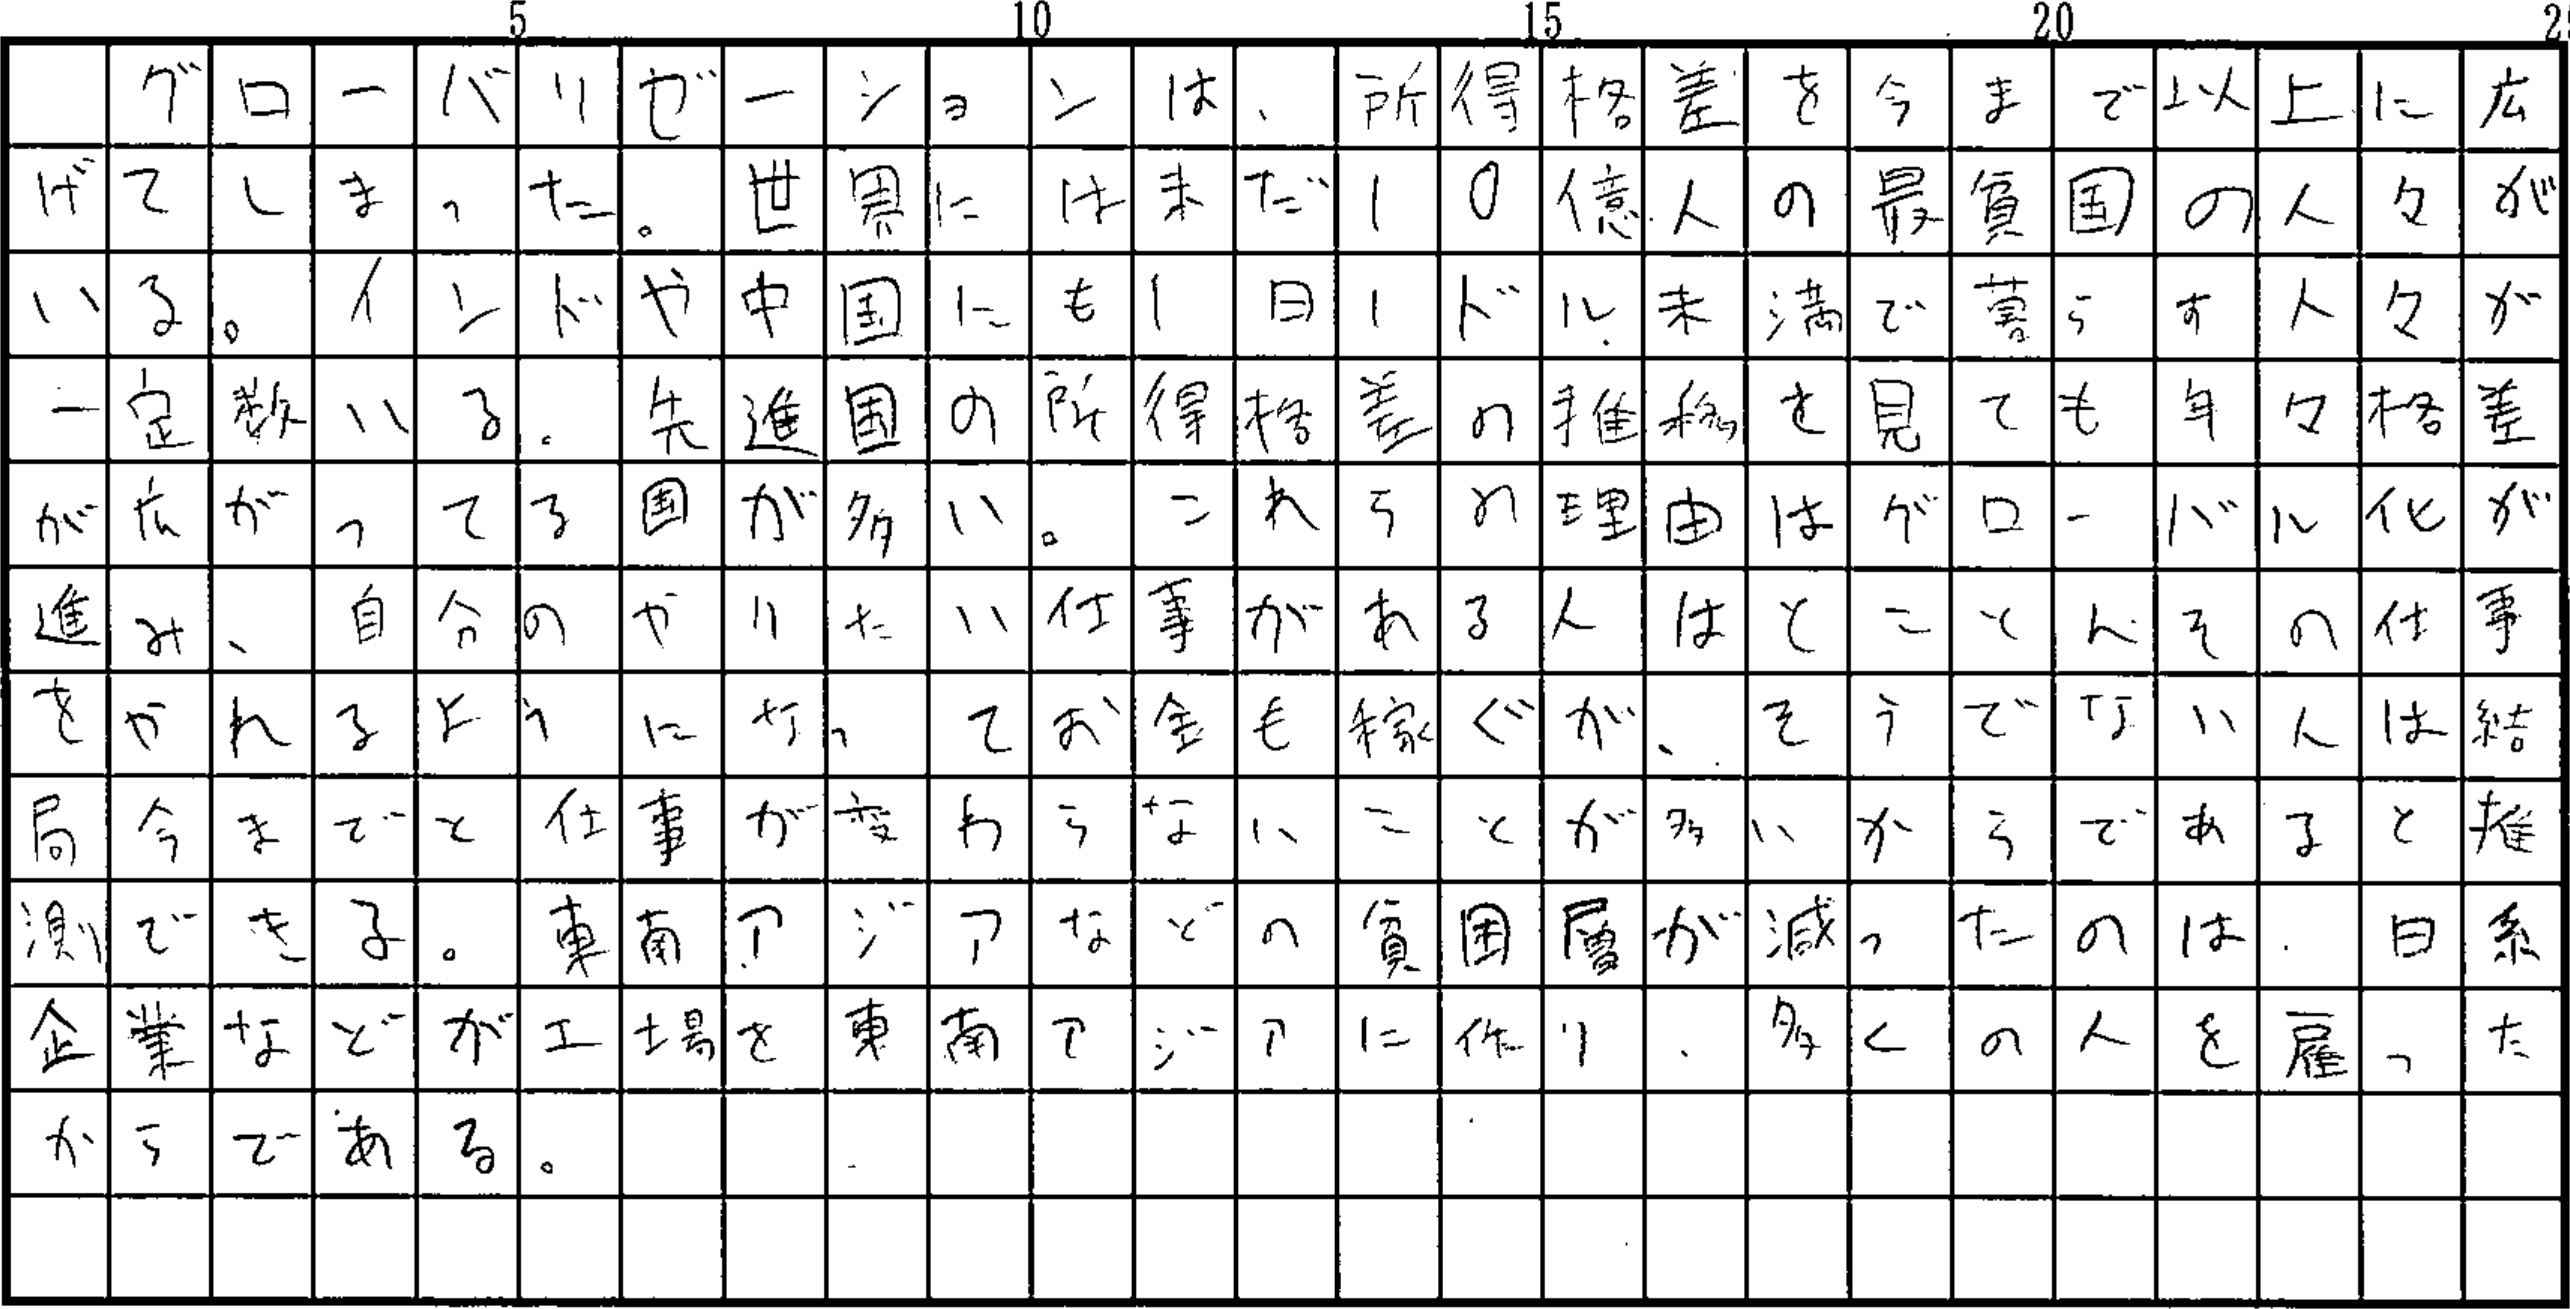　グローバリゼーションは、所得格差を今まで以上に広げてしまった。世界には未だ１０億人の最貧国の人々がいる。インドや中国にも１日１ドル未満で暮らす人々が一定数いる。先進国の所得格差の推移を見ても年々格差が広がっている国が多い。これらの理由はグローバル化が進み、自分のやりたい仕事がある人はとことんその仕事をやれるようになってお金も稼ぐが、そうでない人は結局今までと仕事が変わらないことが多いからであると推測できる。東南アジアなどの貧困層が減ったのは、日系企業などが工場を東南アジアに作り、多くの人を雇ったからである。
